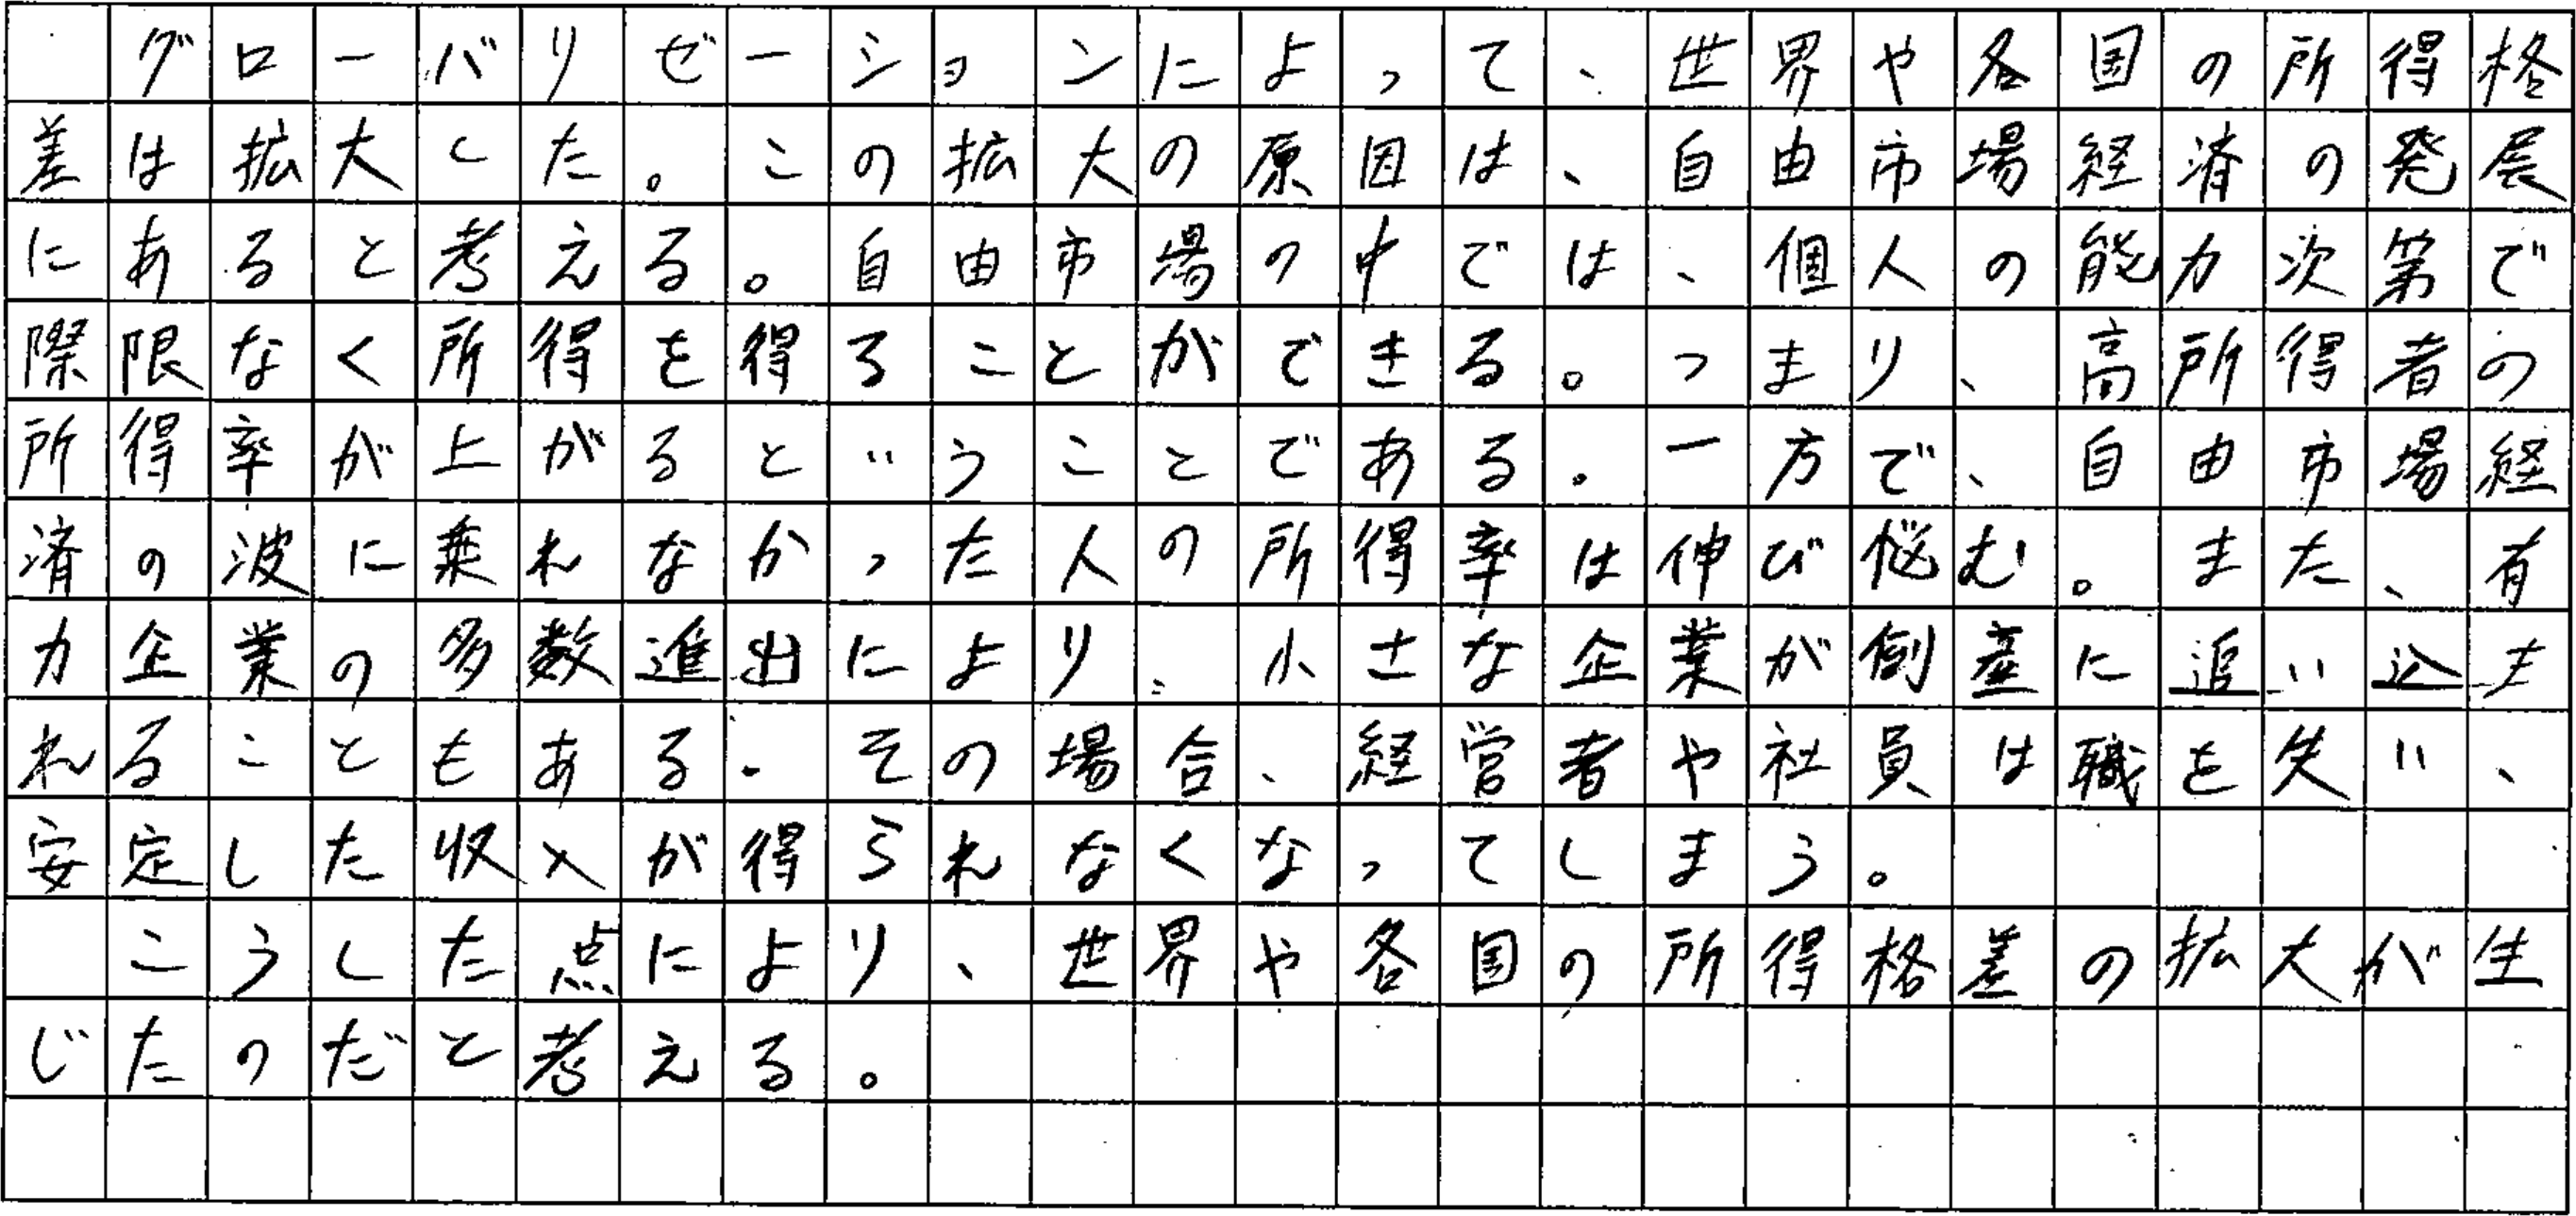　グロバリゼーションによって、世界や各国の所得格差は拡大した。この拡大の原因は、自由市場経済の発展にあると考える。自由市場の中では、個人の能力次第で際限なく所得を得ることができる。つまり、高所得者の所得率が上がるということである。一方で、自由市場経済の波に乗れなかった人の所得率は伸び悩む。また、有力企業の多数進出により、小さな企業が倒産に追い込まれることもある。その場合、経営者や社員は職を失い、安定した収入が得られなくなってしまう。
　こうした点により、世界や各国の所得格差の拡大が生じたのだと考える。
